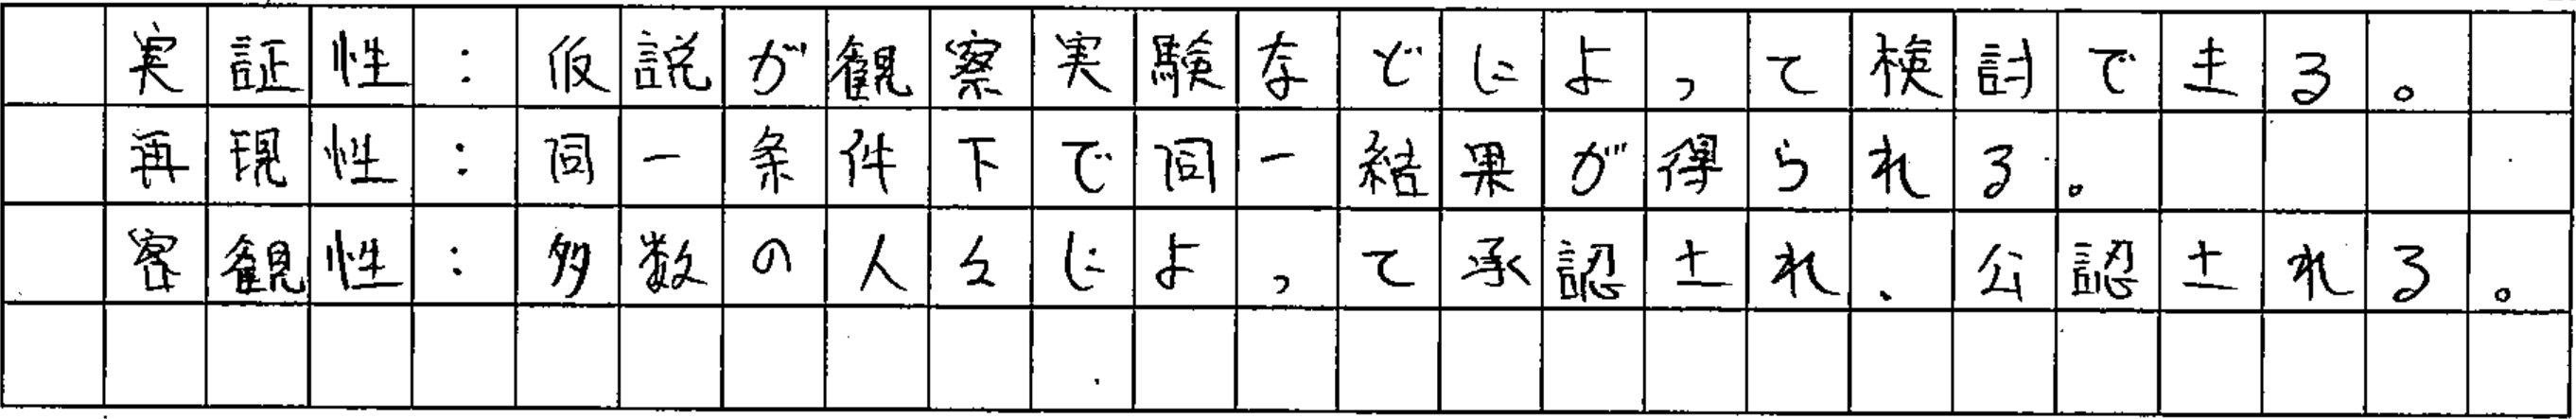　実証性：仮説が観察実験などによって検討できる。
　再現性：同一条件下で同一結果が得られる。
　客観性：多数の人々によって▁認され、公認される。
